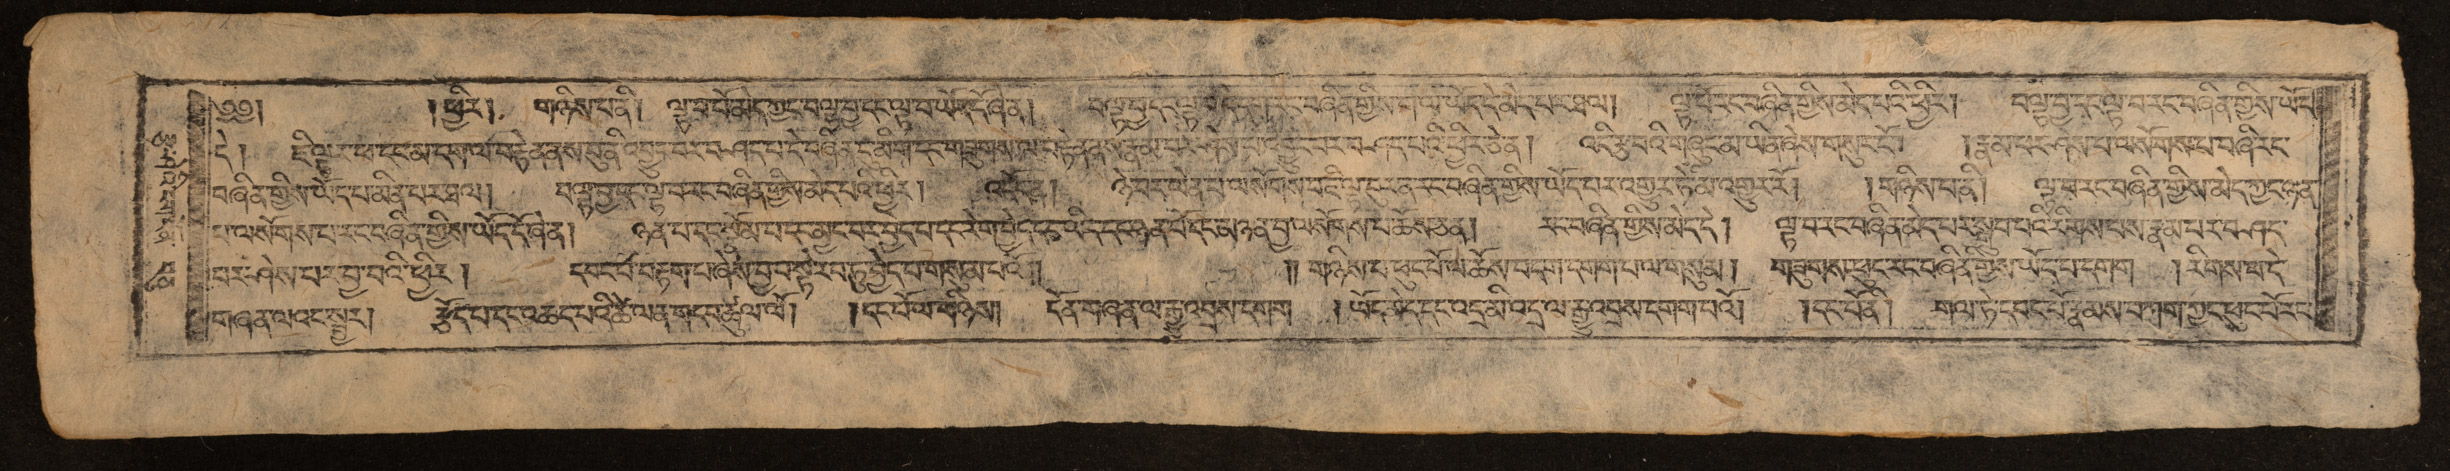༄༅། །ཕྱིར། གཉིས་པ་ནི། ལྟ་བ་པོ་མེད་ཀྱང་བལྟ་བྱ་དང་ལྟ་བ་ཡོད་དོ་ཞེ་ན། བལྟ་བྱ་དང་ལྟ་བ་དེ་དག་རང་བཞིན་གྱིས་ག་ལ་ཡོད་དེ་མེད་པར་ཐལ། ལྟ་པོ་རང་བཞིན་གྱིས་མེད་པའི་ཕྱིར། བལྟ་བྱ་དང་ལྟ་བ་རང་བཞིན་གྱིས་ཡོད་
དེ། ཇི་ལྟར་ཕ་དང་མ་དག་ལ་བརྟེན་ནས་བུ་ནི་འབྱུང་བར་བཤད་པ་དེ་བཞིན་དུ་མིག་དང་གཟུགས་ལ་བརྟེན་ནས་རྣམ་པར་ཤེས་པ་འབྱུང་བར་བཤད་པའི་ཕྱིར་ཅེ་ན། འདི་རྩ་བའི་གཞུང་མ་ཡིན་ཞེས་གསུང་ངོ། །རྣམ་པར་ཤེས་པ་ལ་སོགས་པ་བཞི་རང་
བཞིན་གྱིས་ཡོད་པ་མིན་པར་ཐལ། བལྟ་བྱ་དང་ལྟ་བ་རང་བཞིན་གྱིས་མེད་པའི་ཕྱིར། འདོད་ན། ཉེ་བར་ལེན་པ་ལ་སོགས་པ་ཇི་ལྟ་བུར་ན་རང་བཞིན་གྱིས་ཡོད་པར་འགྱུར་ཏེ་མི་འགྱུར་རོ། །གཉིས་པ་ནི། ལྟ་བ་རང་བཞིན་གྱིས་མེད་ཀྱང་ཉན་
པ་ལ་སོགས་པ་རང་བཞིན་གྱིས་ཡོད་དོ་ཞེ་ན། ཉན་པ་དང་སྣོམ་པ་དང་མྱང་བར་བྱེད་པ་དང་རེག་བྱེད་དང་ཡིད་དང་ཉན་པོ་དང་མཉན་བྱ་ལ་སོགས་པ་ཆོས་ཅན། རང་བཞིན་གྱིས་མེད་དེ། ལྟ་བ་རང་བཞིན་མེད་པར་སྒྲུབ་པའི་རིགས་པས་རྣམ་པར་བཤད་
པར་ཤེས་པར་བྱ་བའི་ཕྱིར། དབང་པོ་བརྟག་པ་ཞེས་བྱ་བ་སྟེ་རབ་ཏུ་བྱེད་པ་གསུམ་པའོ།། །།གཉིས་པ་ཕུང་པོ་ལ་ཆོས་བདག་དགག་པ་ལ་གསུམ། གཟུགས་ཕུང་རང་བཞིན་གྱིས་ཡོད་པ་དགག །རིགས་པ་དེ་
གཞན་ལའང་སྦྱར། རྩོད་པ་དང་འཆད་པའི་ཚེ་ལན་གདབ་ཚུལ་ལོ། །དང་པོ་ལ་གཉིས། དོན་གཞན་ལ་རྒྱུ་འབྲས་དགག །ཡོད་མེད་དང་འདྲ་མི་འདྲ་ལ་རྒྱུ་འབྲས་དགག་པའོ། །དང་པོ་ནི། གལ་ཏེ་དབང་པོ་རྣམས་བཀག་ཀྱང་ཕུང་པོ་རང་